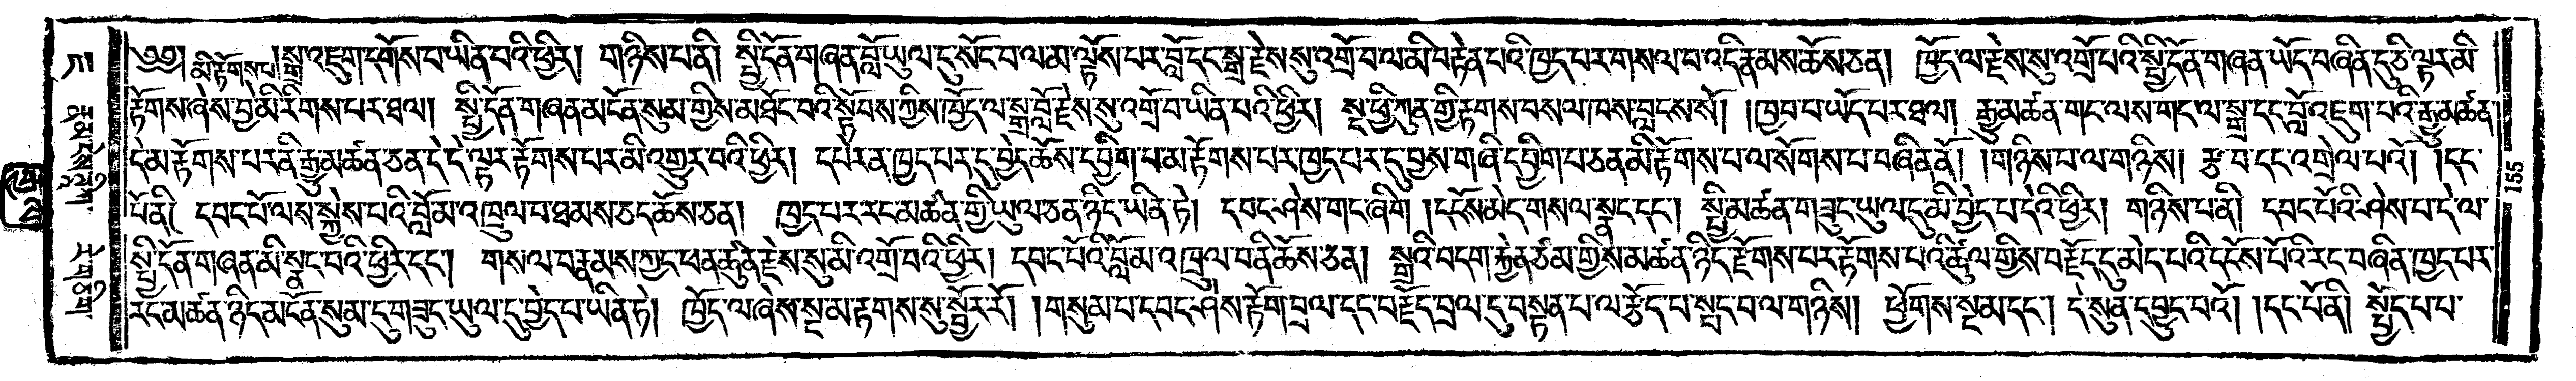༄༅། །མི་རྟོགས་པ། སྒྲ་འཇུག་དགོས་པ་ཡིན་པའི་ཕྱིར། གཉིས་པ་ནི། སྤྱི་དོན་གཞན་བློ་ཡུལ་དུ་སོང་བ་ལ་མ་ལྟོས་པར་བློ་དང་སྒྲ་རྗེས་སུ་འགྲོ་བ་ལ་མི་བརྟེན་པའི་ཁྱད་པར་གསལ་བ་འདི་རྣམས་ཆོས་ཅན། ཁྱོད་ལ་རྗེས་སུ་འགྲོ་བའི་སྤྱི་དོན་གཞན་ཡོད་བཞིན་དུ་ཅི་ལྟར་མི་
རྟོགས་ཞེས་བྱེ་མི་རིགས་པར་ཐལ། སྤྱི་དོན་གཞན་མངོན་སུམ་གྱིས་མཐོང་བའི་སྟོབས་ཀྱིས་ཁྱོད་ལ་སྒྲ་བློ་རྗེས་སུ་འགྲོ་བ་ཡིན་པའི་ཕྱིར། སྔ་ཕྱི་ཀུན་གྱི་རྟགས་བསལ་ཁས་བླངས་སོ། །ཁྱབ་པ་ཡོད་པར་ཐལ། རྒྱུ་མཚན་གང་ལས་གང་ལ་སྒྲ་དང་བློ་འཇུག་པའི་རྒྱུ་མཚན་
དེ་མ་རྟོགས་པར་ནི་རྒྱུ་མཚན་ཅན་དེ་དེ་ལྟར་རྟོགས་པར་མི་འགྱུར་བའི་ཕྱིར། དཔེར་ན་ཁྱད་པར་དུ་བྱེད་ཆོས་དབྱིག་པ་མ་རྟོགས་པར་ཁྱད་པར་དུ་བྱས་གཞི་དབྱིག་པ་ཅན་མི་རྟོགས་པ་ལ་སོགས་པ་བཞིན་ནོ། །གཉིས་པ་ལ་གཉིས། རྩ་བ་དང་འགྲེལ་པའོ། །དང་
པོ་ནི། དབང་པོ་ལས་སྐྱེས་པའི་བློ་མ་འཁྲུལ་བ་ཐམས་ཅད་ཆོས་ཅན། ཁྱད་པར་རང་མཚན་གྱི་ཡུལ་ཅན་ཉིད་ཡིན་ཏེ། དབང་ཤེས་གང་ཞིག །དངོས་མེད་གསལ་སྣང་དང་། སྤྱི་མཚན་གཟུང་ཡུལ་དུ་མི་བྱེད་པ་དེའི་ཕྱིར། གཉིས་པ་ནི། དབང་པོའི་ཤེས་པ་དེ་ལ་
སྤྱི་དོན་གཞན་མི་སྣང་བའི་ཕྱིར་དང་། གསལ་བ་རྣམས་ཀྱང་ཕན་ཚུན་རྗེས་སུ་མི་འགྲོ་བའི་ཕྱིར། དབང་པོའི་བློ་མ་འཁྲུལ་བ་ནི་ཆོས་ཅན། སྒྲའི་བདག་རྐྱེན་ཙམ་གྱིས་མཚན་ཉིད་རྫོགས་པར་རྟོགས་པའི་ཚུལ་གྱིས་བརྗོད་དུ་མེད་པའི་དངོས་པོའི་རང་བཞིན་ཁྱད་པར་
རང་མཚན་ཉིད་མངོན་སུམ་དུ་གཟུང་ཡུལ་དུ་བྱེད་པ་ཡིན་ཏེ། ཁྱོད་ལ་ཞེས་སྔ་མ་རྟགས་སུ་སྦྱོར་རོ། །གསུམ་པ་དབང་ཤེས་རྟོག་བྲལ་དང་བརྗོད་བྲལ་དུ་བསྟན་པ་ལ་རྩོད་པ་སྤང་བ་ལ་གཉིས། ཕྱོགས་སྔ་མ་དང་། དེ་སུན་དབྱུང་བའོ། །དང་པོ་ནི། སྤྱོད་པ་པ་